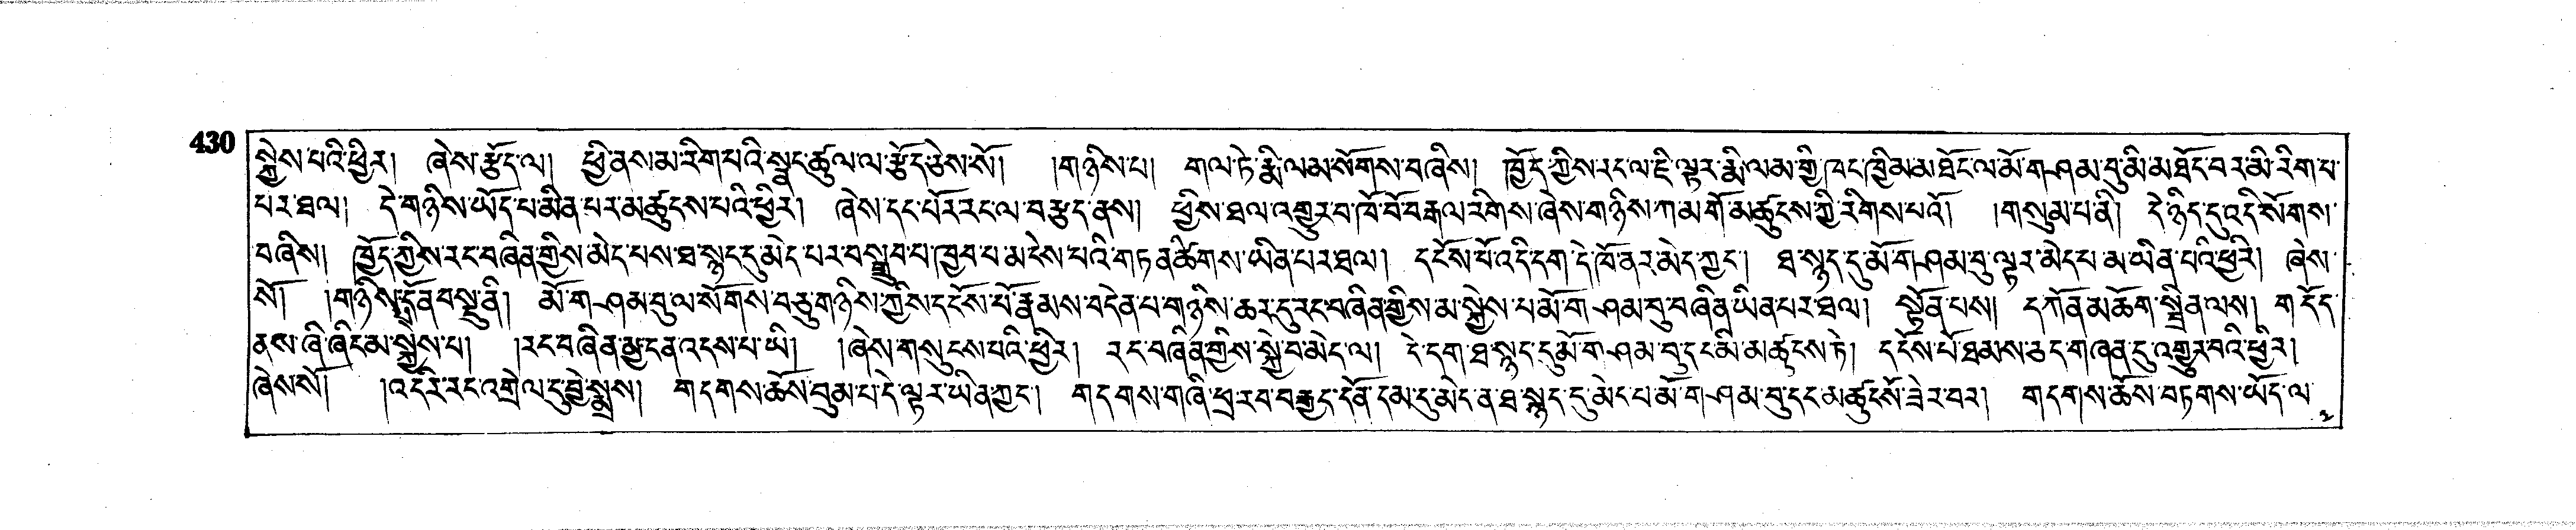སྐྱེས་པའི་ཕྱིར། ཞེས་རྩོད་ལ། ཕྱི་ནས་མ་རིག་པའི་སྣང་ཚུལ་ལ་རྩོད་ཅེས་སོ། །གཉིས་པ། གལ་ཏེ་རྨི་ལམ་སོགས་བཞིས། ཁྱོད་ཀྱིས་རང་ལ་ཇི་ལྟར་རྨི་ལམ་གྱི་ཁང་ཁྱིམ་མཐོང་ལ་མོ་གཤམ་བུ་མི་མཐོང་བར་མི་རིག་པ་
པར་ཐལ། དེ་གཉིས་ཡོད་པ་མིན་པར་མཚུངས་པའི་ཕྱིར། ཞེས་དང་པོར་རང་ལ་བརྩད་ནས། ཕྱིས་ཐལ་འགྱུར་བ་ཁོ་བོ་བརྒལ་རིགས་ཞེས་གཉིས་ཀ་མགོ་མཚུངས་ཀྱི་རིགས་པའོ། །གསུམ་པ་ནི། དེ་ཉིད་དུ་འདི་སོགས་
བཞིས། ཁྱོད་ཀྱིས་རང་བཞིན་གྱིས་མེད་པས་ཐ་སྙད་དུ་མེད་པར་བསྒྲུབ་པ་ཁྱབ་པ་མ་ངེས་པའི་གཏན་ཚིགས་ཡིན་པར་ཐལ། དངོས་པོ་འདི་དག་དེ་ཁོ་ནར་མེད་ཀྱང་། ཐ་སྙད་དུ་མོ་གཤམ་བུ་ལྟར་མེད་པ་མ་ཡིན་པའི་ཕྱིར། ཞེས་
སོ། །གཉིས་པ་དོན་བསྡུ་ནི། མོ་གཤམ་བུ་ལ་སོགས་བཅུ་གཉིས་ཀྱིས་དངོས་པོ་རྣམས་བདེན་པ་གཉིས་ཆར་དུ་རང་བཞིན་གྱིས་མ་སྐྱེས་པ་མོ་གཤམ་བུ་བཞིན་ཡིན་པར་ཐལ། སྟོན་པས། དཀོན་མཆོག་སྦྲིན་ལས། གདོད་
ནས་ཞི་ཞིང་མ་སྐྱེས་པ། །རང་བཞིན་མྱ་ངན་འདས་པ་ཡི། །ཞེས་གསུངས་པའི་ཕྱིར། རང་བཞིན་གྱིས་སྐྱེ་བ་མེད་ལ། དེ་དག་ཐ་སྙད་དུ་མོ་གཤམ་བུ་དང་མི་མཚུངས་ཏེ། དངོས་པོ་ཐམས་ཅད་གཞན་དུ་འགྱུར་བའི་ཕྱིར།
ཞེས་སོ། །འདིར་རང་འགྲེལ་དུ་བྱེ་སྨྲས། གདགས་ཆོས་བུམ་པ་དེ་ལྟར་ཡིན་ཀྱང་། གདགས་གཞི་ཕྲ་རབ་བརྒྱད་དོན་དམ་དུ་མེད་ན་ཐ་སྙད་དུ་མེད་པ་མོ་གཤམ་བུ་དང་མཚུངས་སོ་ཟེར་བར། གདགས་ཆོས་བཏགས་ཡོད་ལ་